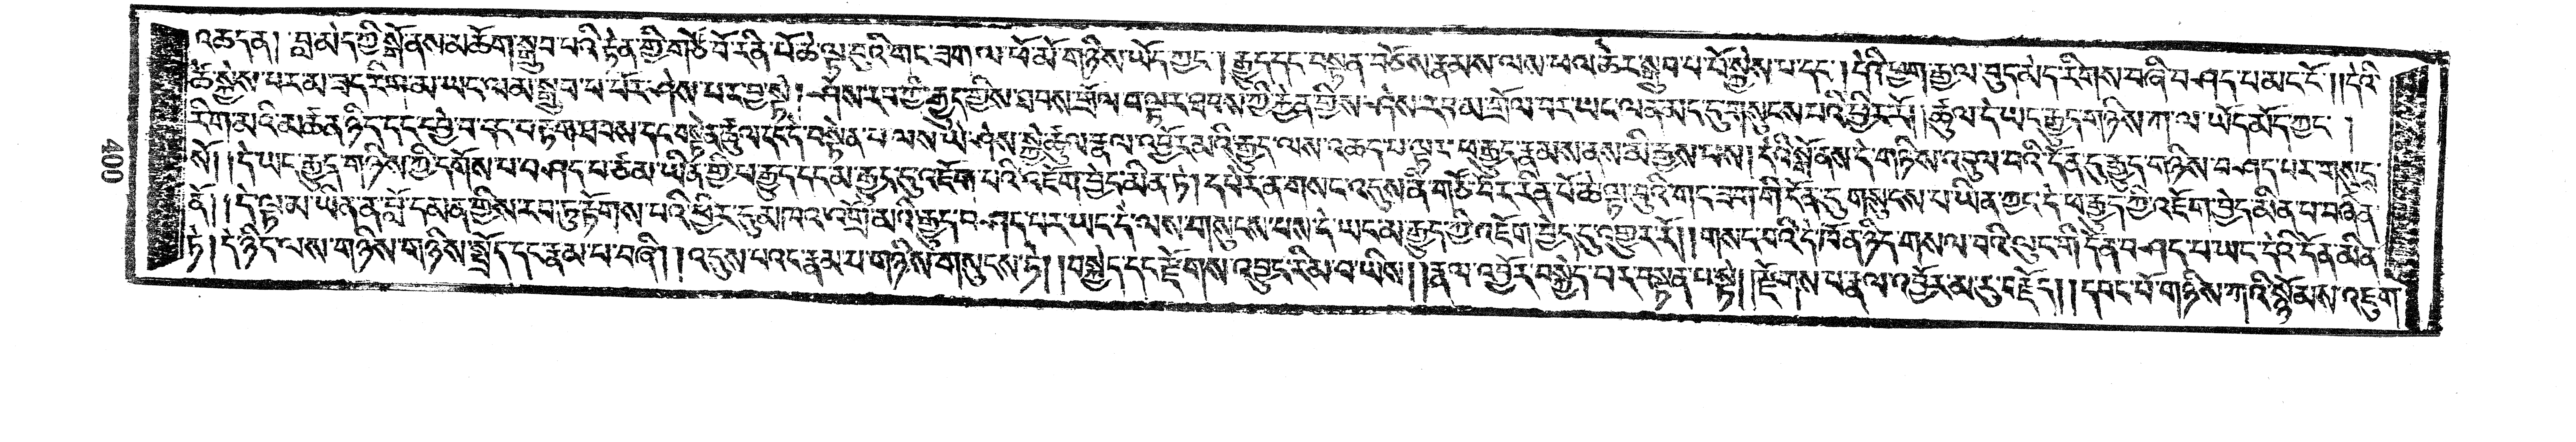འཆད་ན། བླ་མེད་ཀྱི་སྒོ་ནས་མཆོག་སྒྲུབ་པའི་རྟེན་གྱི་གཙོ་བོ་རིན་པོ་ཆེ་ལྟ་བུའི་གང་ཟག་ལ་ཕོ་མོ་གཉིས་ཡོད་ཀྱང་། རྒྱུད་དང་བསྟན་བཅོས་རྣམས་ལས་ཕལ་ཆེར་སྒྲུབ་པ་པོ་སྐྱེས་པ་དང་། དེའི་ཕྱག་རྒྱ་ལ་བུད་མེད་རིགས་བཞི་བཤད་པ་མང་ངོ། །དེའི་
ཚེ་སྐྱེས་པར་མ་ཟད་རིག་མ་ཡང་ལམ་སྒྲུབ་པ་པོར་ཤེས་པར་བྱ་སྟེ། ཤེས་རབ་ཀྱི་རྐྱེན་གྱིས་ཐབས་གྲོལ་བ་ལྟར་ཐབས་ཀྱི་རྐྱེན་གྱིས་ཤེས་རབ་མ་གྲོལ་བར་ཡང་ལན་མང་དུ་གསུངས་པའི་ཕྱིར་རོ། །ཚུལ་དེ་ཡང་རྒྱུད་གཉིས་ཀ་ལ་ཡོད་མོད་ཀྱང་།
རིག་མའི་མཚན་ཉིད་དང་དབྱེ་བ་དང་བརྟག་ཐབས་དང་བསྟེན་ཚུལ་དང་དེ་བསྟེན་པ་ལས་ཡེ་ཤེས་སྐྱེ་ཚུལ་རྣལ་འབྱོར་མའི་རྒྱུད་ལས་འཆད་པ་ལྟར་ཕ་རྒྱུད་རྣམས་ནས་མི་རྒྱས་པས། དེའི་སྒོ་ནས་ད?་གཉིས་འདུལ་བའི་དོན་དུ་རྒྱུད་གཉིས་བཤད་པར་གསུངས་
སོ། །དེ་ཡང་རྒྱུད་གཉིས་ཀྱི་དགོས་པ་བཤད་པ་ཙམ་ཡིན་གྱི་ཕ་རྒྱུད་དང་མ་རྒྱུད་དུ་འཇོག་པའི་འཇོག་བྱེད་མིན་ཏེ། དཔེར་ན་གསང་འདུས་ནི་གཙོ་བོར་རིན་པོ་ཆེ་ལྟ་བུའི་གང་ཟག་གི་དོན་དུ་གསུངས་པ་ཡིན་ཀྱང་དེ་ཕ་རྒྱུད་ཀྱི་འཇོག་བྱེད་མིན་པ་བཞིན་
ནོ། །དེ་ལྟ་མ་ཡིན་ན་བློ་དམན་གྱིས་རབ་ཏུ་རྟོགས་པའི་ཕྱིར་དུ་མཁའ་འགྲོ་མའི་རྒྱུད་བཤད་པར་ཡང་དེ་ལས་གསུངས་པས་དེ་ཡང་མ་རྒྱུད་ཀྱི་འཇོག་བྱེད་དུ་འགྱུར་རོ། །གསང་བའི་དེ་ཁོ་ན་ཉིད་གསལ་བའི་ལུང་གི་དོན་བཤད་པ་ཡང་དེའི་དོན་མིན་
ཏེ། དེ་ཉིད་ལས་གཉིས་གཉིས་སྤྲོད་དང་རྣམ་པ་བཞི། །འདུས་པའང་རྣམ་པ་གཉིས་གསུངས་ཏེ། །བསྐྱེད་དང་རྫོགས་འབྱུང་རིམ་པ་ཡིས། །རྣལ་འབྱོར་བསྐྱེད་པར་བསྟན་པ་སྟེ། །རྫོགས་པ་རྣལ་འབྱོར་མ་རུ་བརྗོད། །དབང་པོ་གཉིས་ཀའི་སྙོམས་འཇུག་